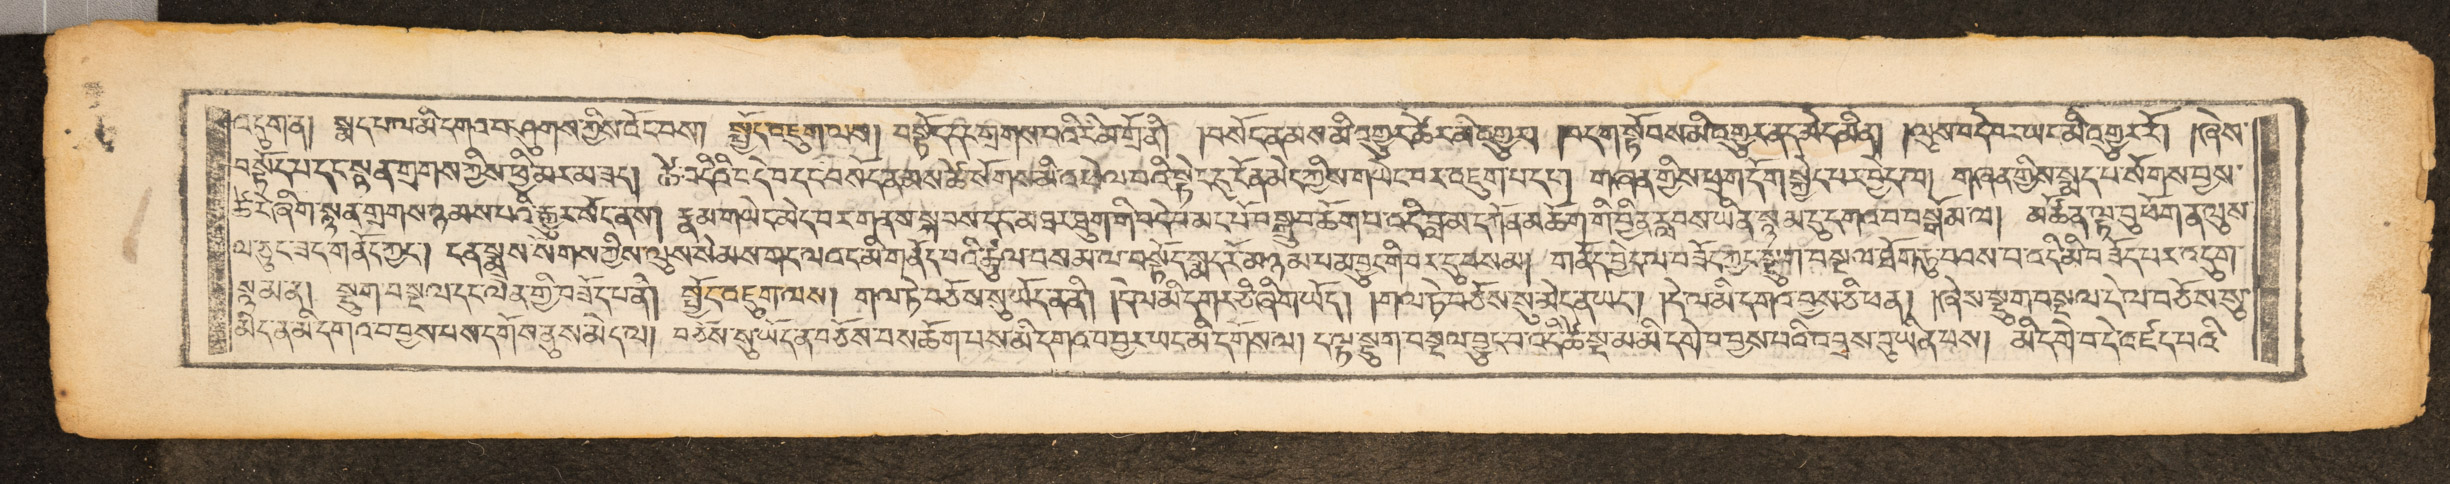འདུག་ན། སྨད་པ་ལ་མི་དགའ་བ་ཤུགས་ཀྱིས་འོང་བས། སྤྱོད་འཇུག་ལས། བསྟོད་དང་གྲགས་པའི་རིམ་གྲོ་ནི། །བསོད་ནམས་མི་འགྱུར་ཚེར་མི་འགྱུར། །བདག་སྟོབས་མི་འགྱུར་ནད་མེད་མིན། །ལུས་བདེ་བར་ཡང་མི་འགྱུར་རོ། །ཞེས་
བསྟོད་པ་དང་སྙན་གྲགས་ཀྱིས་ཕྱི་མར་མ་ཟད། ཚེ་འདིའི་བདེ་བ་དང་བསོད་ནམས་ཚེ་སོགས་མི་འཕེལ་བའི་སྟེང་དུ་དོན་མེད་ཀྱིས་གཡེང་བར་འཇུག་པ་དང་། གཞན་གྱིས་ཕྲག་དོག་སྐྱེད་པར་བྱེད་ལ། གཞན་གྱིས་སྨད་པ་སོགས་བྱས་
ཚེར་ཞིག་སྙན་གྲགས་ཉམས་པའི་རྒྱུར་སོང་ནས། རྣམ་གཡེང་མེད་པར་གནས་སྐབས་དང་མཐར་ཐུག་གི་བདེ་བ་མང་པོ་བསྒྲུབ་ཆོག་པ་འདི་བླ་མ་དཀོན་མཆོག་གི་བྱིན་རླབས་ཡིན་སྙམ་དུ་དགའ་བ་བསྒོམ་ལ། མཚོན་ལྟ་བུ་ཕོག་ན་ལུས་
ལ་ཅུང་ཟད་གནོད་ཀྱང་། ངན་སྨྲས་སོགས་ཀྱིས་ལུས་སེམས་གང་ལའང་མི་གནོད་པའི་ཚུལ་བསམ་ལ་བསྟོད་སྨད་རོ་མཉམ་པ་མ་བྱུང་གི་བར་དུ་བསམ། གནོད་བྱེད་ལ་བཟོད་ཀྱང་སྡུག་བསྔལ་ཐོག་ཏུ་བབས་པ་འདི་མི་བཟོད་པར་འདུག་
སྙམ་ན། སྡུག་བསྔལ་དང་ལེན་གྱི་བཟོད་པ་ནི། སྤྱོད་འཇུག་ལས། གལ་ཏེ་བཅོས་སུ་ཡོད་ན་ནི། །དེ་ལ་མི་དགར་ཅི་ཞིག་ཡོད། །གལ་ཏེ་བཅོས་སུ་མེད་ན་ཡང་། །དེ་ལ་མི་དགའ་བྱས་ཅི་ཕན། །ཞེས་སྡུག་བསྔལ་དེ་ལ་བཅོས་སུ་
མེད་ན་མི་དགའ་བ་བྱས་པས་དགོས་ནུས་མེད་ལ། བཅོས་སུ་ཡོད་ན་བཅོས་པས་ཆོག་པས་མི་དགའ་བ་བྱར་ཡང་མི་དགོས་ལ། ད་ལྟ་སྡུག་བསྔལ་བྱུང་བ་འདི་ཚེ་སྔ་མ་མི་དགེ་བ་བྱས་པའི་འབྲས་བུ་ཡིན་པས། མི་དགེ་བ་དེ་འཛད་པའི་